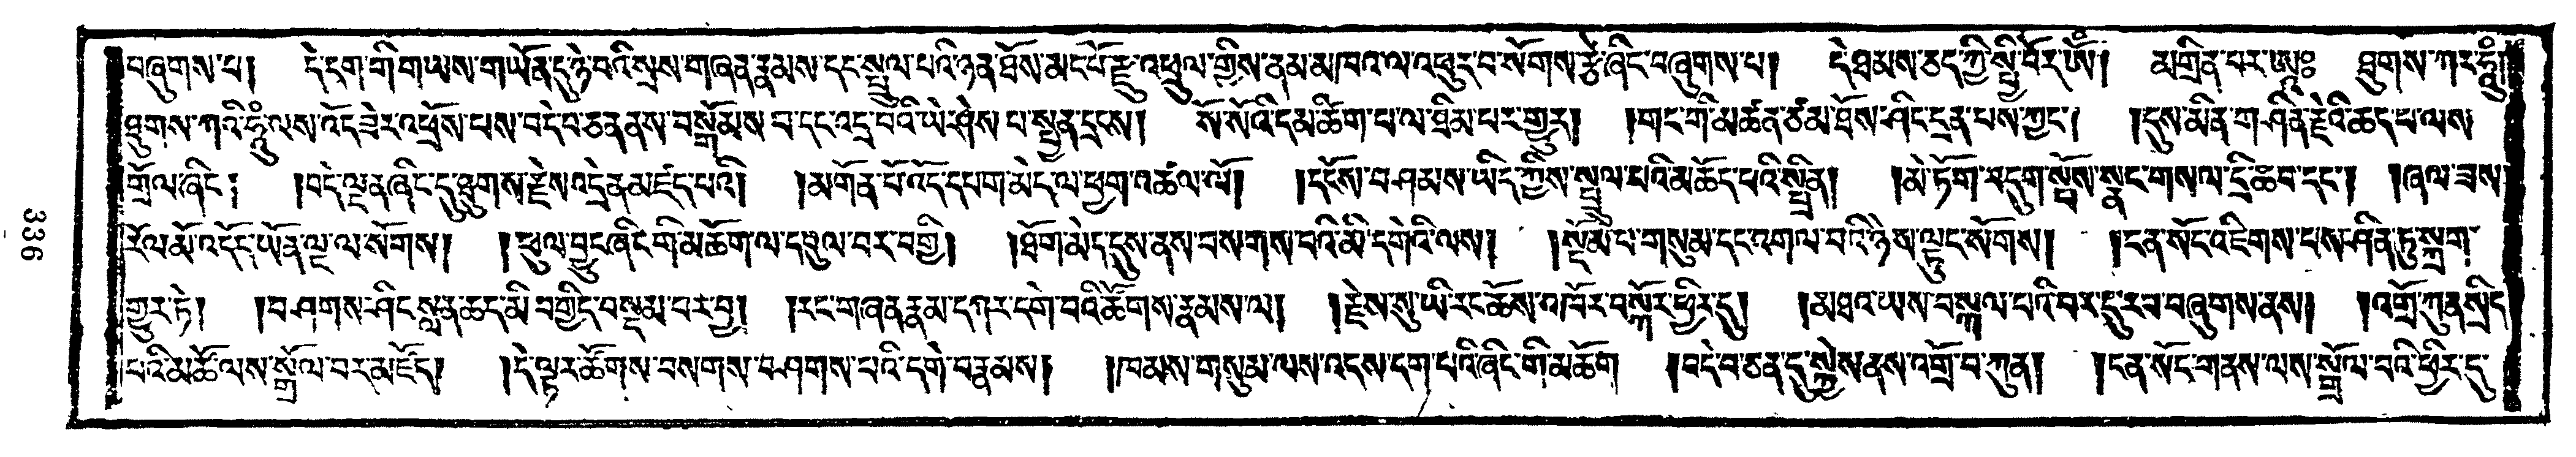བཞུགས་པ། དེ་དག་གི་གཡས་གཡོན་དུ་ཉེ་བའི་སྲས་གཞན་རྣམས་དང་སྤྲུལ་པའི་ཉན་ཐོས་མང་པོ་རྫུ་འཕྲུལ་གྱིས་ནམ་མཁའ་ལ་འཕུར་ར་སོགས་རྩེ་ཞིང་བཞུགས་པ། དེ་ཐམས་ཅད་ཀྱི་སྤྱི་བོར་ཨོཾ། མགྲིན་པར་ཨཱཿ ཐུགས་ཀར་ཧཱུཾ་
ཐུགས་ཀའི་ཧཱུཾ་ལས་འོད་ཟེར་འཕྲོས་པས་བདེ་བ་ཅན་ནས་བསྒོམས་པ་དང་འདྲ་བའི་ཡེ་ཤེས་པ་སྤྱན་དྲངས། སོ་སོའི་དམ་ཚིག་པ་ལ་ཐིམ་པར་གྱུར། །གང་གི་མཚན་ཙམ་ཐོས་ཤིང་དྲན་པས་ཀྱང་། །དུས་མིན་གཤིན་རྗེའི་ཆད་པ་ལས་
གྲོལ་ཞིང་། །བདེ་ལྡན་ཞིང་དུ་ཐུགས་རྗེས་འདྲེན་མཛད་པའི། །མགོན་པོ་འོད་དཔག་མེད་ལ་ཕྱག་འཚལ་ལོ། །དངོས་བཤམས་ཡིད་ཀྱིས་སྤྲུལ་པའི་མཆོད་པའི་སྤྲིན། །མེ་ཏོག་བདུག་སྤོས་སྣང་གསལ་དྲི་ཆ་བ་དང་། །ཞལ་ཟས་
རོལ་མོ་འདོད་ཡོན་ལྔ་ལ་སོགས། །ཕུལ་བྱུང་ཞིང་གི་མཆོག་ལ་དབུལ་བར་བགྱི། །ཐོག་མེད་དུས་ནས་བསགས་བའི་མི་དགེའི་ལས། །སྔོན་པ་གསུམ་དང་འགལ་བའི་ཉེས་ལྟུང་སོགས། །ངན་སོང་འཇིགས་པས་ཤིན་ཏུ་སྐྲག་
གྱུར་ཏེ། །བཤགས་ཤིང་སླན་ཆད་མེ་བགྱིད་བསྡམ་པར་བྱ། །རང་བཞན་རྣམ་དཀར་དགེ་བའི་ཚོགས་རྣམས་ལ། །རྗེས་སུ་ཡི་རང་ཆོས་འཁོར་བསྐོར་ཕྱིར་དུ། །མཐའ་ཡས་བསྐལ་བའི་བར་དུ་རབ་བཞུགས་ནས། །འགྲོ་ཀུན་སྲིད་
པའི་མཚོ་ལས་སྒྲོལ་བར་མཛོད། །དེ་ལྟར་ཚོགས་བསགས་བཤགས་པའི་དགེ་བ་རྣམས། །ཁམས་གསུམ་ལས་འདས་དག་པའི་ཞིང་གི་མཆོག །བདེ་བ་ཅན་དུ་སྐྱེས་ནས་འགྲོ་བ་ཀུན། །ངན་སོང་གནས་ལས་སྒྲོལ་བའི་ཕྱིར་དུ་